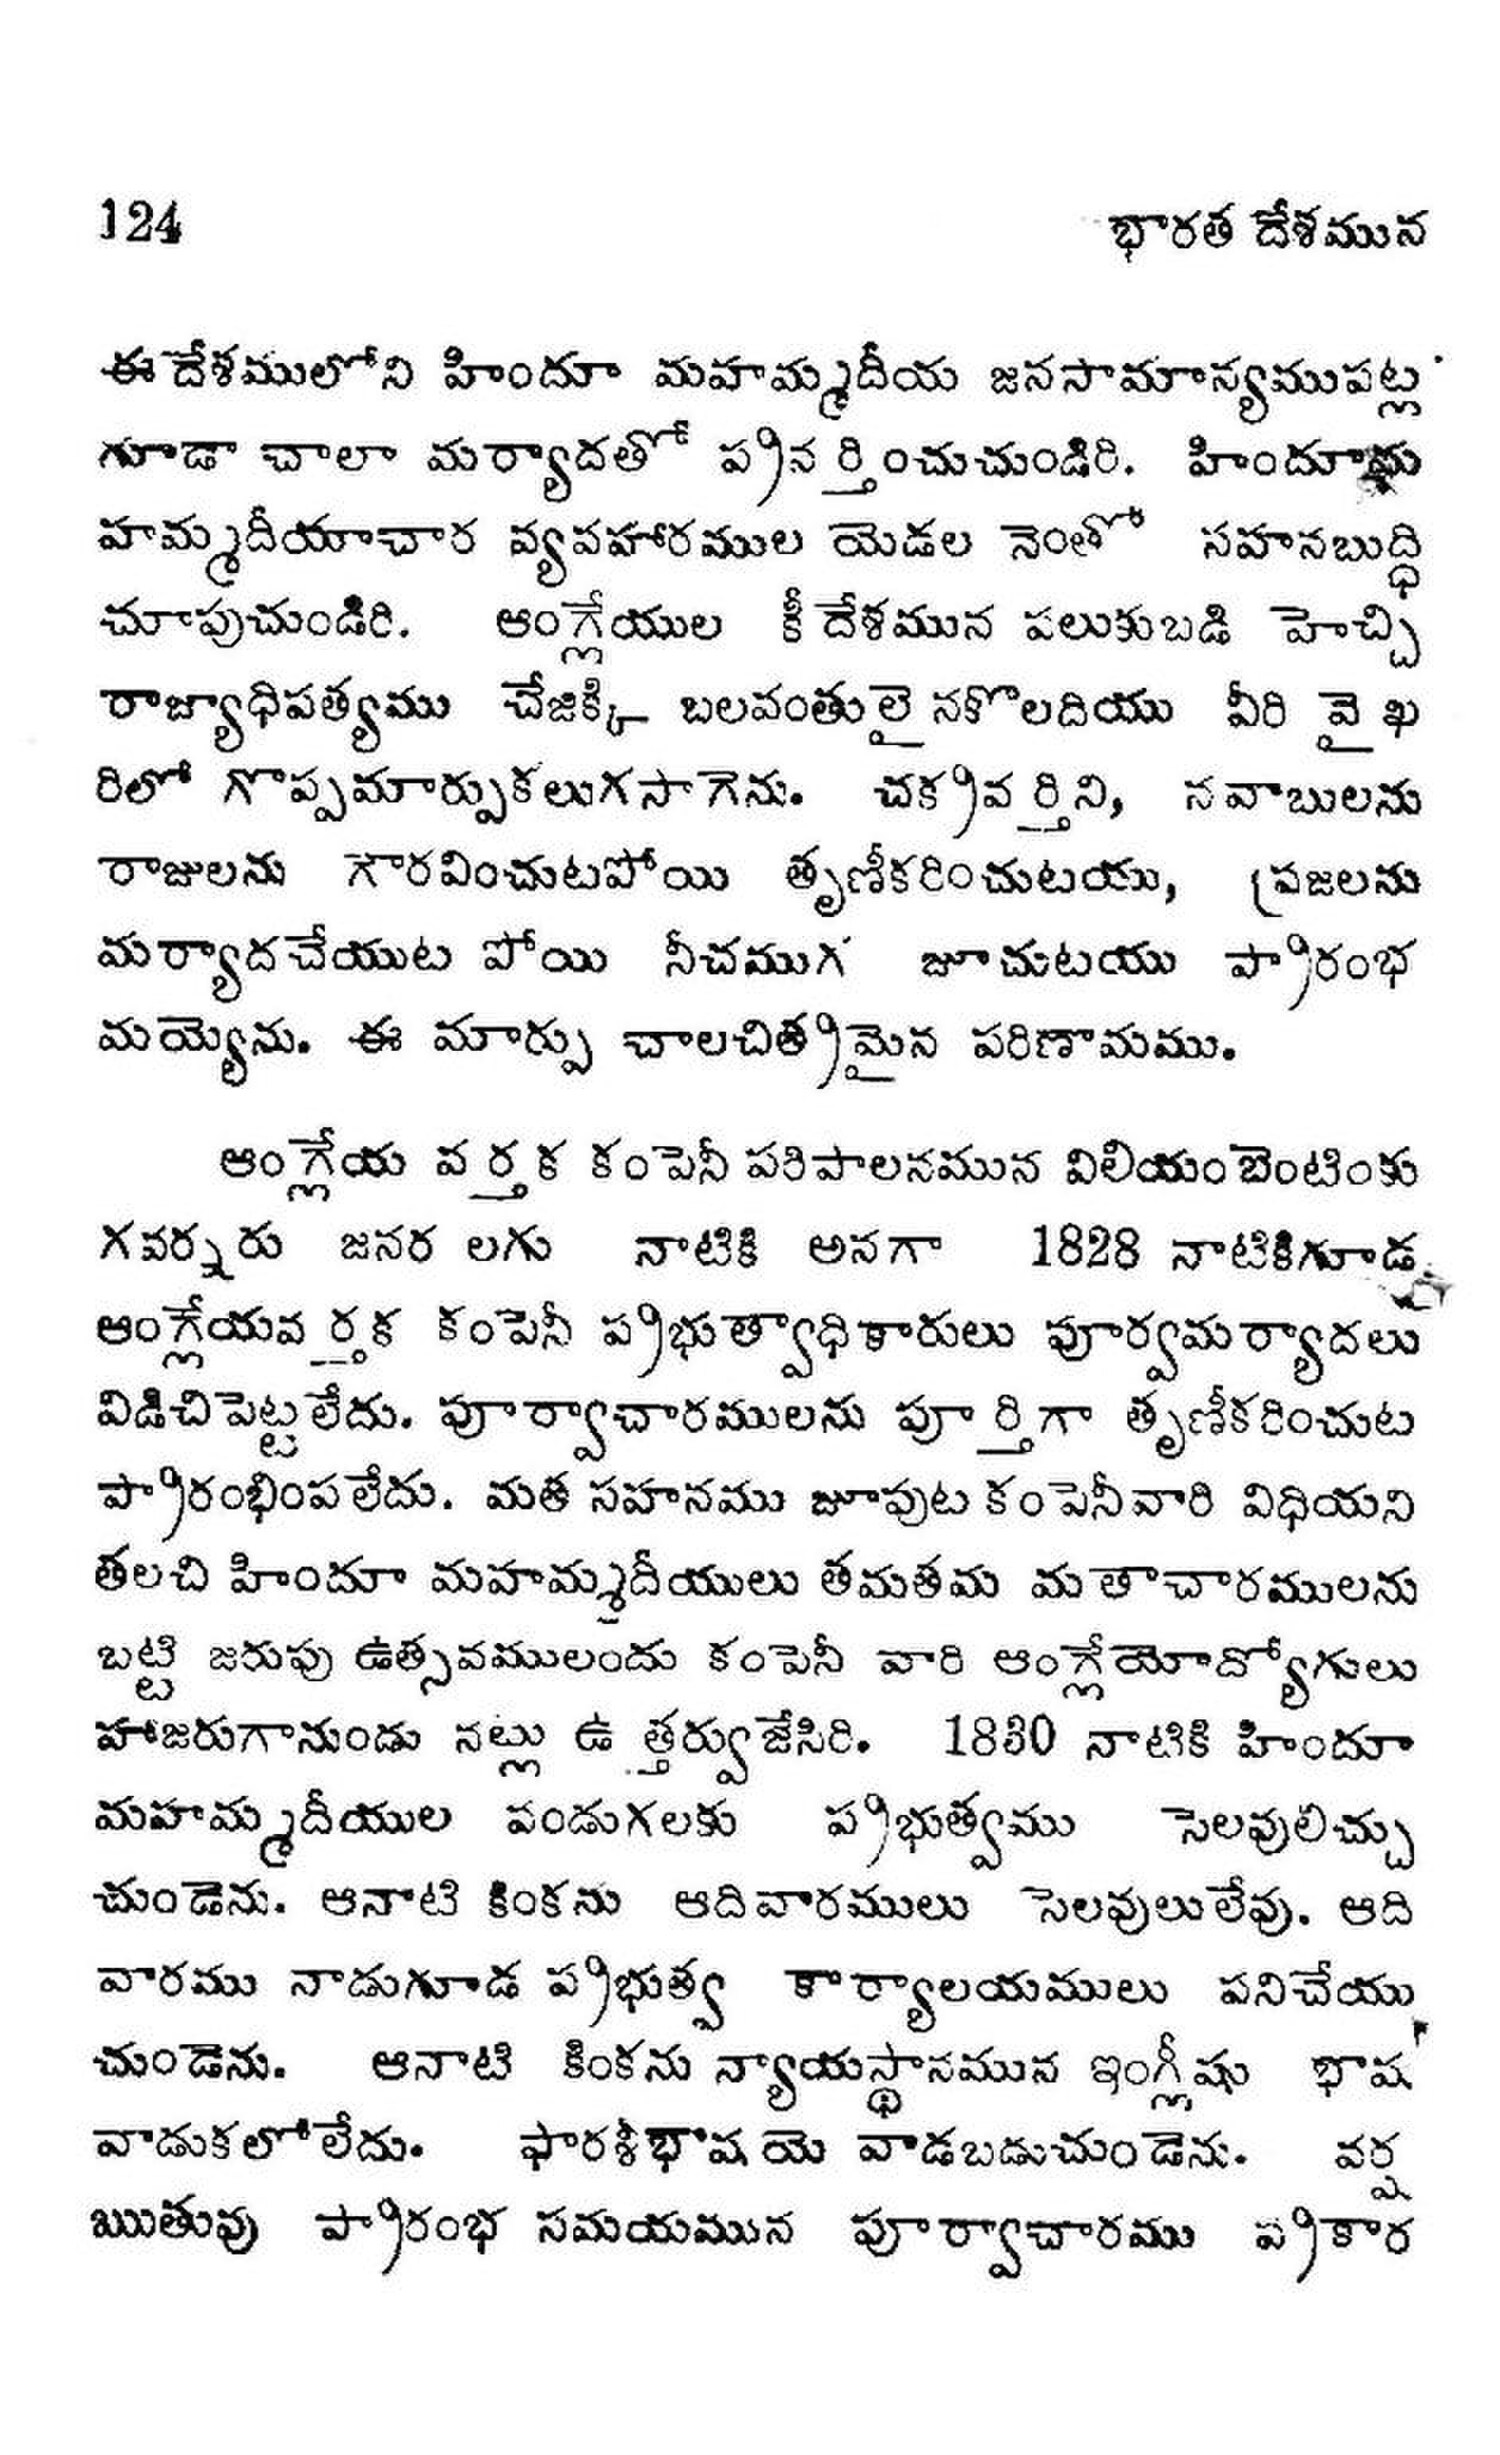ఈదేశములోని హిందూ మహమ్మదీయ జనసామాన్యముపట్ల గూడా చాలా మర్యాదతో ప్రవర్తించుచుండిరి. హిందూమహమ్మదీయాచార వ్యవహారముల యెడల నెంతో సహనబుద్ది చూపుచుండిరి. ఆంగ్లేయుల కీదేశమున పలుకుబడి హెచ్చి రాజ్యాధిపత్యము చేజిక్కి బలవంతులైనకొలదియు వీరి వైఖరిలో గొప్పమార్పుకలుగసాగెను. చక్రవర్తిని, నవాబులను రాజులను గౌరవించుటపోయి తృణీకరించుటయు, ప్రజలను మర్యాదచేయుట పోయి నీచముగ జూచుటయు ప్రారంభమయ్యెను. ఈ మార్పు చాలచిత్రమైన పరిణామము.

ఆంగ్లేయ వర్తక కంపెనీ పరిపాలనమున విలియంబెంటింకు గవర్నరు జనర లగు నాటికి అనగా 1828 నాటికిగూడ ఆంగ్లేయవర్తక కంపెనీ ప్రభుత్వాధికారులు పూర్వమర్యాదలు విడిచిపెట్టలేదు. పూర్వాచారములను పూర్తిగా తృణీకరించుట ప్రారంభింపలేదు. మత సహనము జూపుట కంపెనీవారి విధియని తలచి హిందూ మహమ్మదీయులు తమతమ మతాచారములను బట్టి జరుపు ఉత్సవములందు కంపెనీ వారి ఆంగ్లేయోద్యోగులు హాజరుగానుండు నట్లు ఉత్తర్వుజేసిరి. 1830 నాటికి హిందూమహమ్మదీయుల పండుగలకు ప్రభుత్వము సెలవులిచ్చు చుండెను. ఆనాటి కింకను ఆదివారములు సెలవులులేవు. ఆదివారము నాడుగూడ ప్రభుత్వ కార్యాలయములు పనిచేయు చుండెను. ఆనాటి కింకను న్యాయస్థానమున ఇంగ్లీషు భాష వాడుకలోలేదు. ఫారశీభాషయె వాడబడుచుండెను. వర్ష ఋతువు ప్రారంభ సమయమున పూర్వాచారము ప్రకార